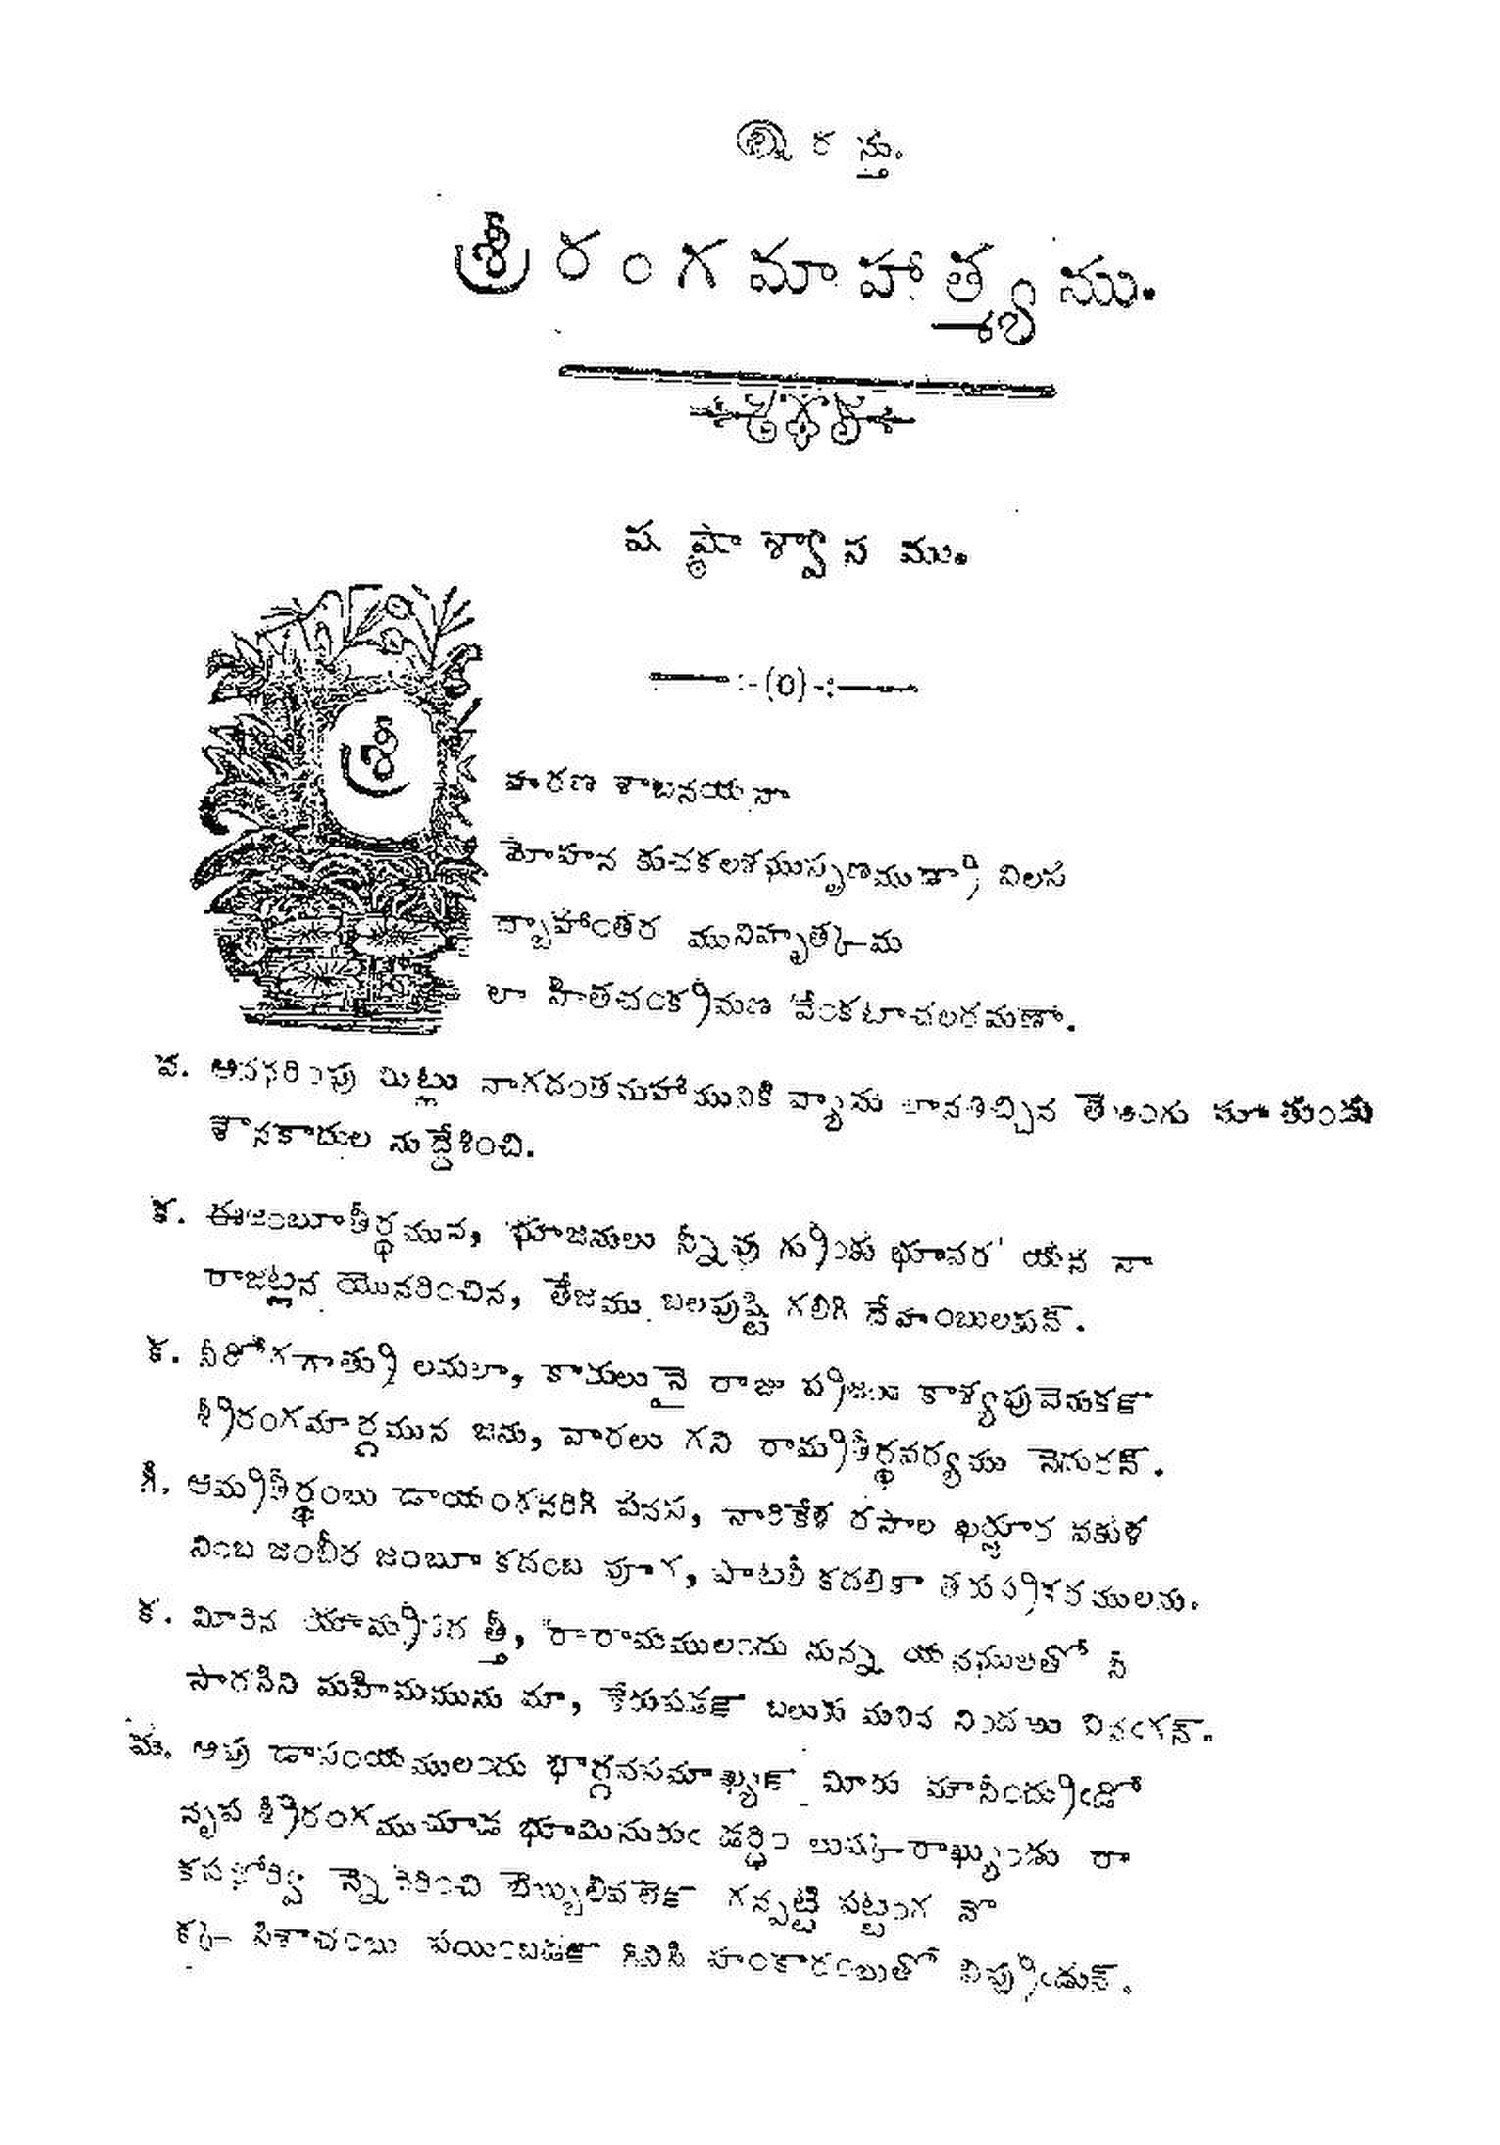శ్రీహరణ శాబనయనా
 మోహన కుచకలశఘసృణముద్రావిలస
 ద్బాహాంతర మునిహృత్కమ
 లా హితచంక్రమణ వేంకటాచలరమణా.
వ. అవధరింపు మిట్లు నాగదంతముహామునికి వ్యాసు లానతిచ్చిన తెఱంగు సూతుండు
 శౌనకాదుల నుద్దేశించి.
క. ఈజంబూతీర్థమున, భూజనులు న్నీవు గ్రుంకు భూవర యన నా
 రాజట్లన యొనరించిన, తేజము బలపుష్టి గలిగి దేహంబులకున్.
క. నీరోరగాత్రు లమలా, కారులునై రాజు ప్రజలు కాశ్యపువెనుకన్
 శ్రీరంగమార్గమున జను, వారలు గని రామ్రతీర్థవర్యము నెదురన్.
గీ. ఆమ్రతీర్థంబు డాయంగ నరిగి పనస, నారికేళ రసాల ఖర్జూర వకుళ
 నింబ జంబీర జంబూ కదంబ పూగ, పాటలీ కదలికా తరుప్రకరములను.
క. మీరిన యామ్రసరత్తీ, రారామములందు నున్న యనఘులతో నీ
 సారసిని మహిమమును మా, కేరుపడన్ బలుకు మనిన నిందఱు వినఁగన్.
మ. అపు డాసంయములందు భార్గవసమాఖ్యన్ మీరు మౌనీంద్రుఁడో
 నృప శ్రీరంగము చూడ భూమిసురుఁ డర్థిం బుష్కరాఖ్యుండు రా
 కపధోర్వి న్నెదిరించి బెబ్బులివలెన్ గన్పట్టి పట్టంగ నొ
 క్కపిశాచంబు పయింబడన్ గినిసి హంకారంబుతో విప్రుఁడున్.